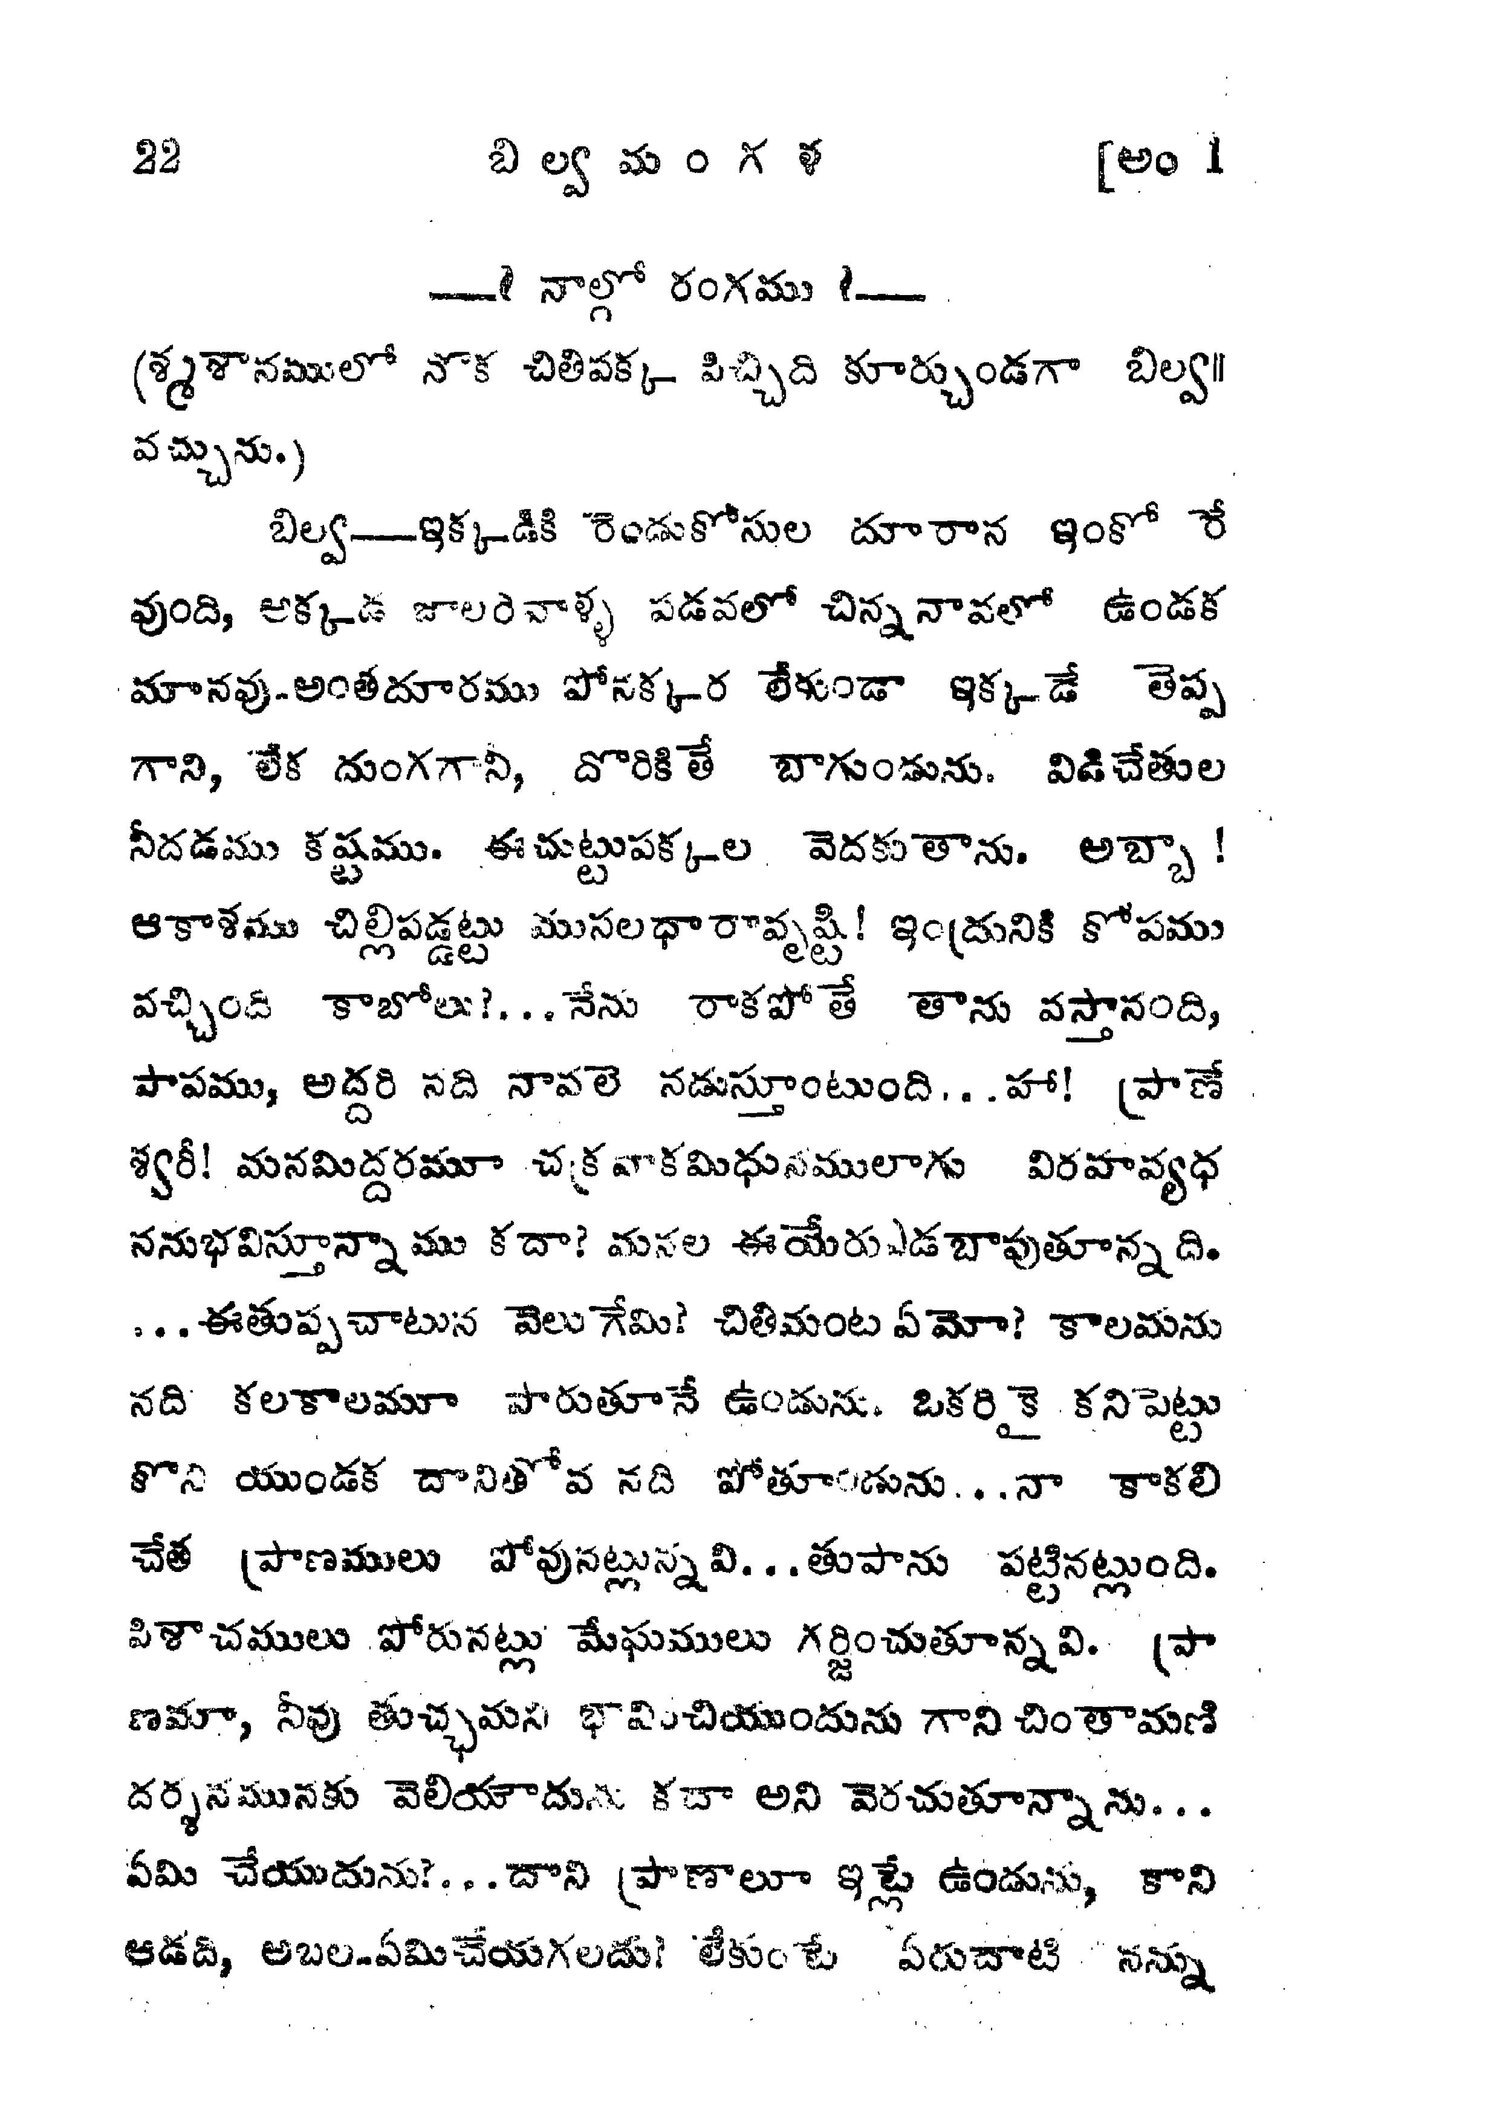బిల్వ - ఇక్కడికి రెండుకోసుల దూరాన ఇంకో రే వుంది, అక్కడ జాలరివాళ్ళ పడవలో చిన్ననావలో ఉండక మానవు - అంతదూరము పోనక్కర లేకుండా ఇక్కడే తెప్పగాని, లేక దుంగగానీ, దొరికితే బాగుండును. విడిచేతుల నీదడము కష్టము. ఈచుట్టుపక్కల వెదకుతాను. అబ్బా! ఆకాశము చిల్లిపడ్డట్టు ముసలధారావృష్టి! ఇంద్రునికి కోపము వచ్చింది కాబోలు? ...నేను రాకపోతే తాను వస్తానంది, పాపము, అద్దరి నది నావలె నడుస్తూంటుంది...హా! ప్రాణేశ్వరీ! మనమిద్దరమూ చక్రవాకమిధునములాగు విరహవ్యధ ననుభవిస్తూన్నాము కదా? మనల ఈయేరుఎడబావుతూన్నది. ..ఈతుప్పచాటున వెలుగేమి? చితిమంట ఏమో? కాలమను నది కలకాలమూ పారుతూనే ఉండును. ఒకరికై కనిపెట్టుకొని యుండక దానితోవ నది పోతూండును...నా కాకలి చేత ప్రాణములు పోవునట్లున్నవి...తుపాను పట్టినట్లుంది. పిశాచములు పోరునట్లు మేఘములు గర్జించుతూన్నవి. ప్రాణమా, నీవు తుచ్ఛమని భావించియుందును గాని చింతామణి దర్శనమునకు వెలియౌదును కదా అని వెరచుతూన్నాను... ఏమి చేయుదును? దాని ప్రాణాలూ ఇట్లే ఉండును, కాని ఆదది, అబల - ఏమిచేయగలదు? లేకుంటే ఏరుదాటి నన్ను